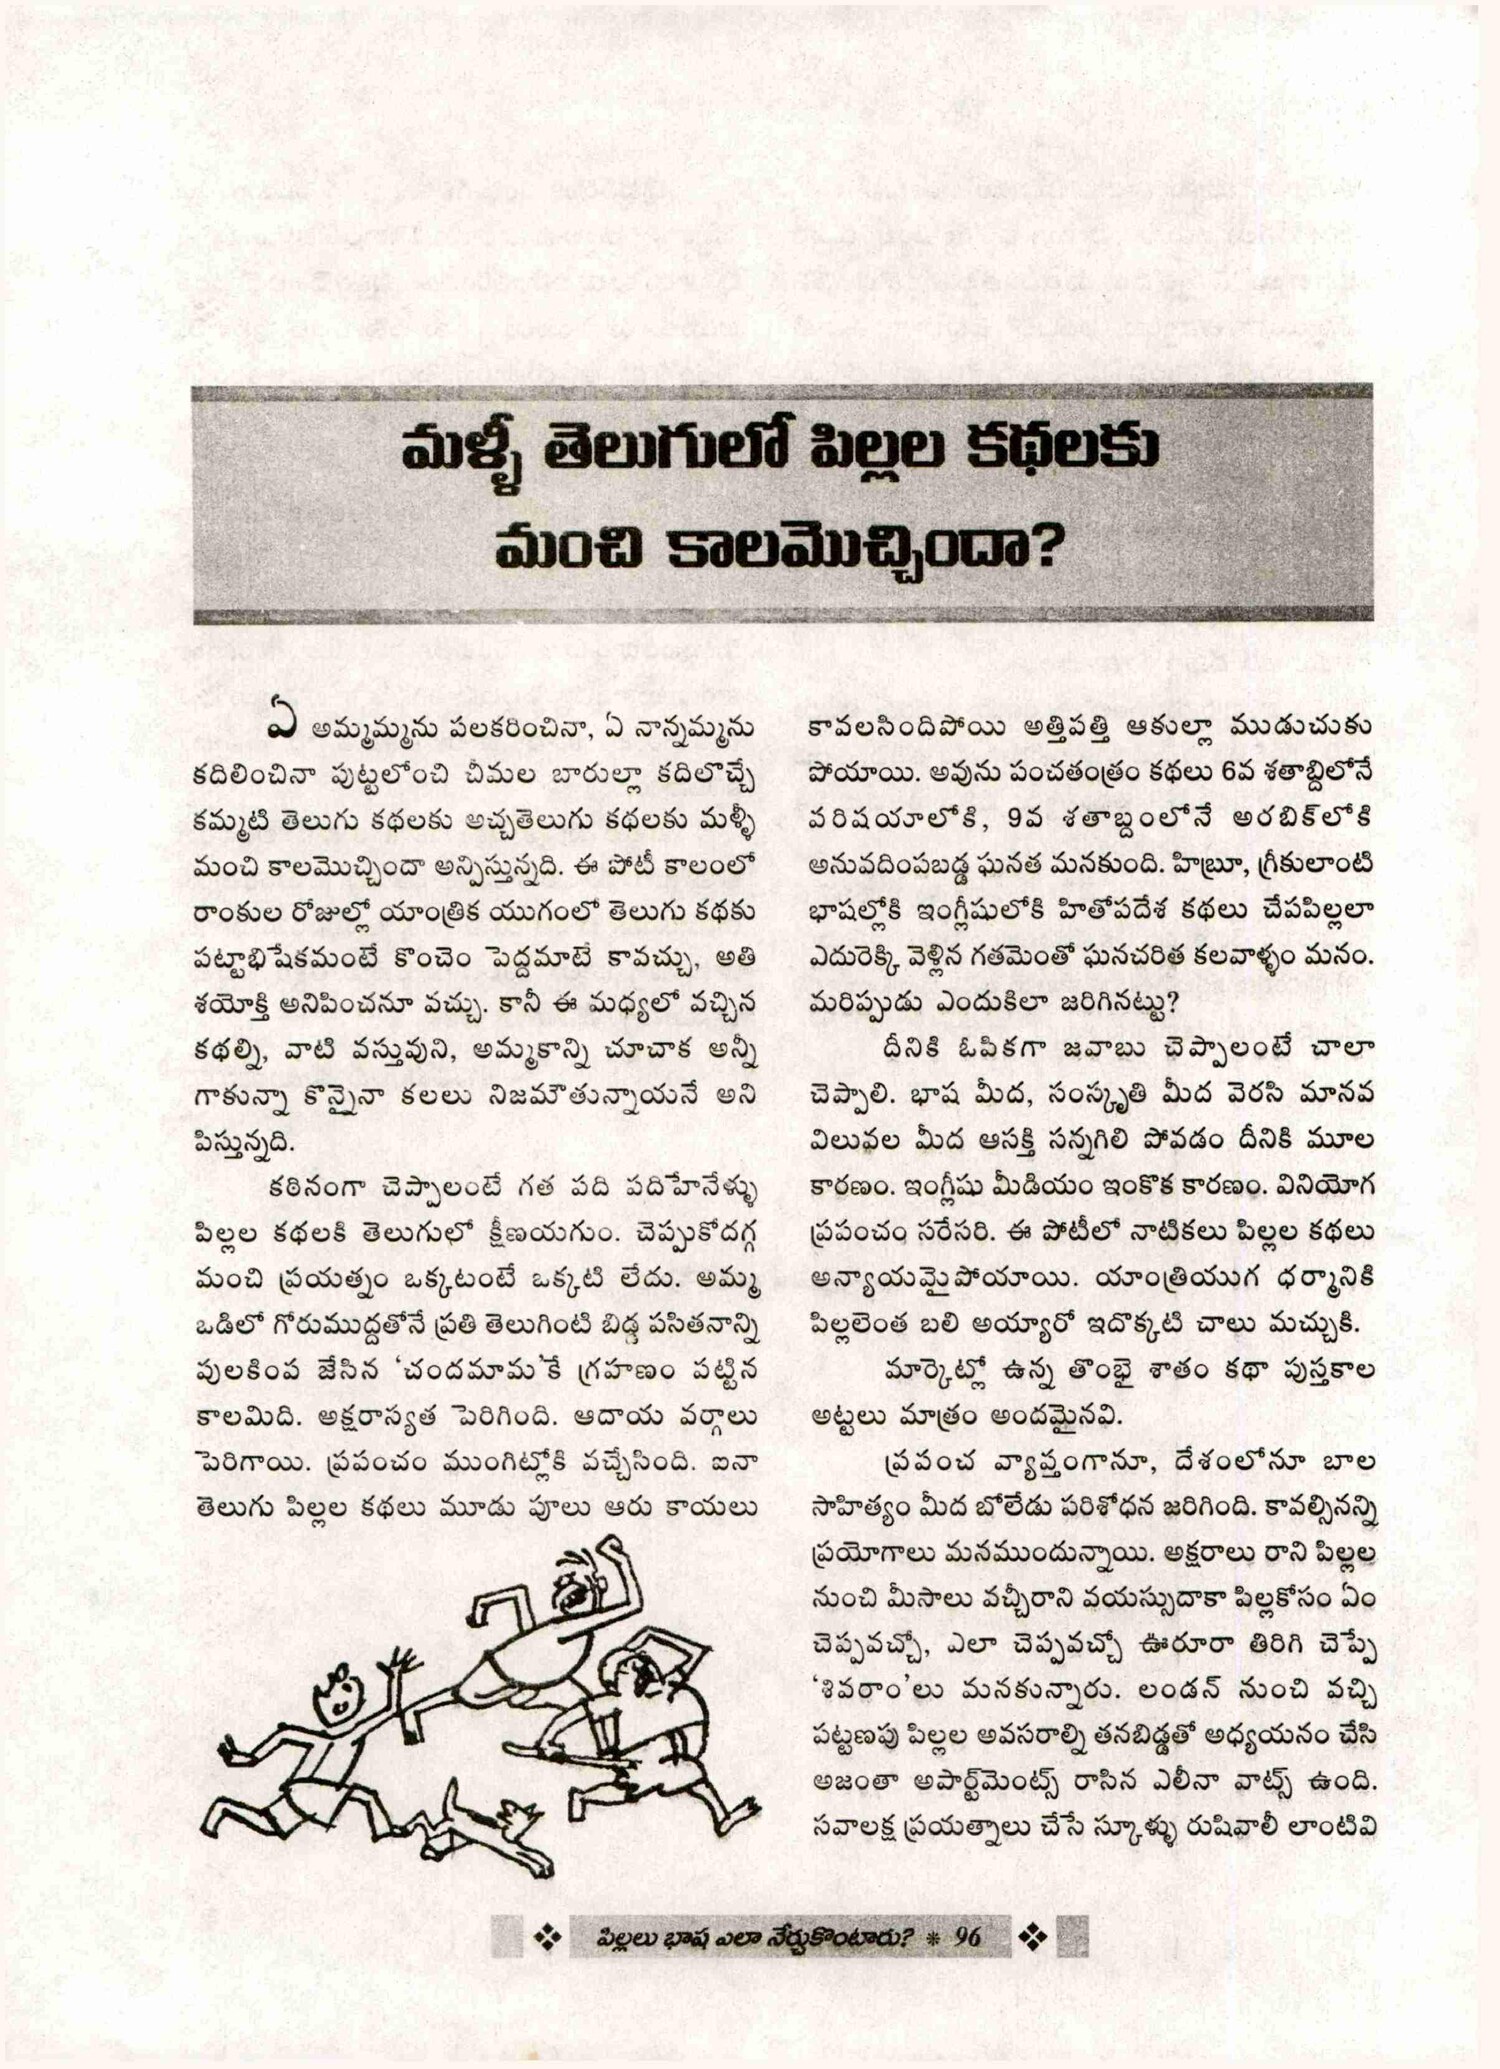మళ్ళీ తెలుగులో పిల్లల కథలకు
మంచి కాలమొచ్చిందా?

ఏ అమ్మమ్మను పలకరించినా, ఏ నాన్నమ్మను కదిలించినా పుట్టలోంచి చీమల బారుల్లా కదిలొచ్చే కమ్మటి తెలుగు కథలకు అచ్చతెలుగు కథలకు మళ్ళీ మంచి కాలమొచ్చిందా అన్పిస్తున్నది. ఈ పోటీ కాలంలో రాంకుల రోజుల్లో యాంత్రిక యుగంలో తెలుగు కథకు పట్టాభిషేకమంటే కొంచెం పెద్దమాటే కావచ్చు, అతిశయోక్తి అనిపించనూ వచ్చు. కానీ ఈ మధ్యలో వచ్చిన కథల్ని, వాటి వస్తువుని, అమ్మకాన్ని చూచాక అన్నీ గాకున్నా కొన్నైనా కలలు నిజమౌతున్నాయనే అనిపిస్తున్నది.

కఠినంగా చెప్పాలంటే గత పది పదిహేనేళ్ళు పిల్లల కథలకి తెలుగులో క్షీణయగుం. చెప్పుకోదగ్గ మంచి ప్రయత్నం ఒక్కటంటే ఒక్కటి లేదు. అమ్మ ఒడిలో గోరుముద్దతోనే ప్రతి తెలుగింటి బిడ్డ పసితనాన్ని పులకింప జేసిన 'చందమామ'కే గ్రహణం పట్టిన కాలమిది. అక్షరాస్యత పెరిగింది. ఆదాయ వర్గాలు పెరిగాయి. ప్రపంచం ముంగిట్లోకి వచ్చేసింది. ఐనా తెలుగు పిల్లల కథలు మూడు పూలు ఆరు కాయలు

కావలసిందిపోయి అత్తిపత్తి ఆకుల్లా ముడుచుకు పోయాయి. అవును పంచతంత్రం కథలు 6వ శతాబ్దిలోనే
పరిషయాలోకి, 9వ శతాబ్దంలోనే అరబిక్‌లోకి అనువదింపబడ్డ ఘనత మనకుంది. హిబ్రూ, గ్రీకులాంటి భాషల్లోకి ఇంగ్లీషులోకి హితోపదేశ కథలు చేపపిల్లలా ఎదురెక్కి వెళ్లిన గతమెంతో ఘనచరిత కలవాళ్ళం మనం. మరిప్పుడు ఎందుకిలా జరిగినట్టు?

దీనికి ఓపికగా జవాబు చెప్పాలంటే చాలా చెప్పాలి. భాష మీద, సంస్కృతి మీద వెరసి మానవ విలువల మీద ఆసక్తి సన్నగిలి పోవడం దీనికి మూలకారణం. ఇంగ్లీషు మీడియం ఇంకొక కారణం. వినియోగ ప్రపంచం సరేసరి. ఈ పోటీలో నాటికలు పిల్లల కథలు అన్యాయమైపోయాయి. యాంత్రియుగ ధర్మానికి పిల్లలెంత బలి అయ్యారో ఇదొక్కటి చాలు మచ్చుకి.

మార్కెట్లో ఉన్న తొంభై శాతం కథా పుస్తకాల అట్టలు మాత్రం అందమైనవి.

ప్రపంచ వ్యాప్తంగానూ, దేశంలోనూ బాలసాహిత్యం మీద బోలేడు పరిశోధన జరిగింది. కావల్సినన్ని ప్రయోగాలు మనముందున్నాయి. అక్షరాలు రాని పిల్లల నుంచి మీసాలు వచ్చీరాని వయస్సుదాకా పిల్లకోసం ఏం చెప్పవచ్చో, ఎలా చెప్పవచ్చో ఊరూరా తిరిగి చెప్పే 'శివరాం'లు మనకున్నారు. లండన్ నుంచి వచ్చి పట్టణపు పిల్లల అవసరాల్ని తనబిడ్డతో అధ్యయనం చేసి అజంతా అపార్ట్‌మెంట్స్ రాసిన ఎలీనా వాట్స్ ఉంది. సవాలక్ష ప్రయత్నాలు చేసే స్కూళ్ళు రుషివాలీ లాంటివి